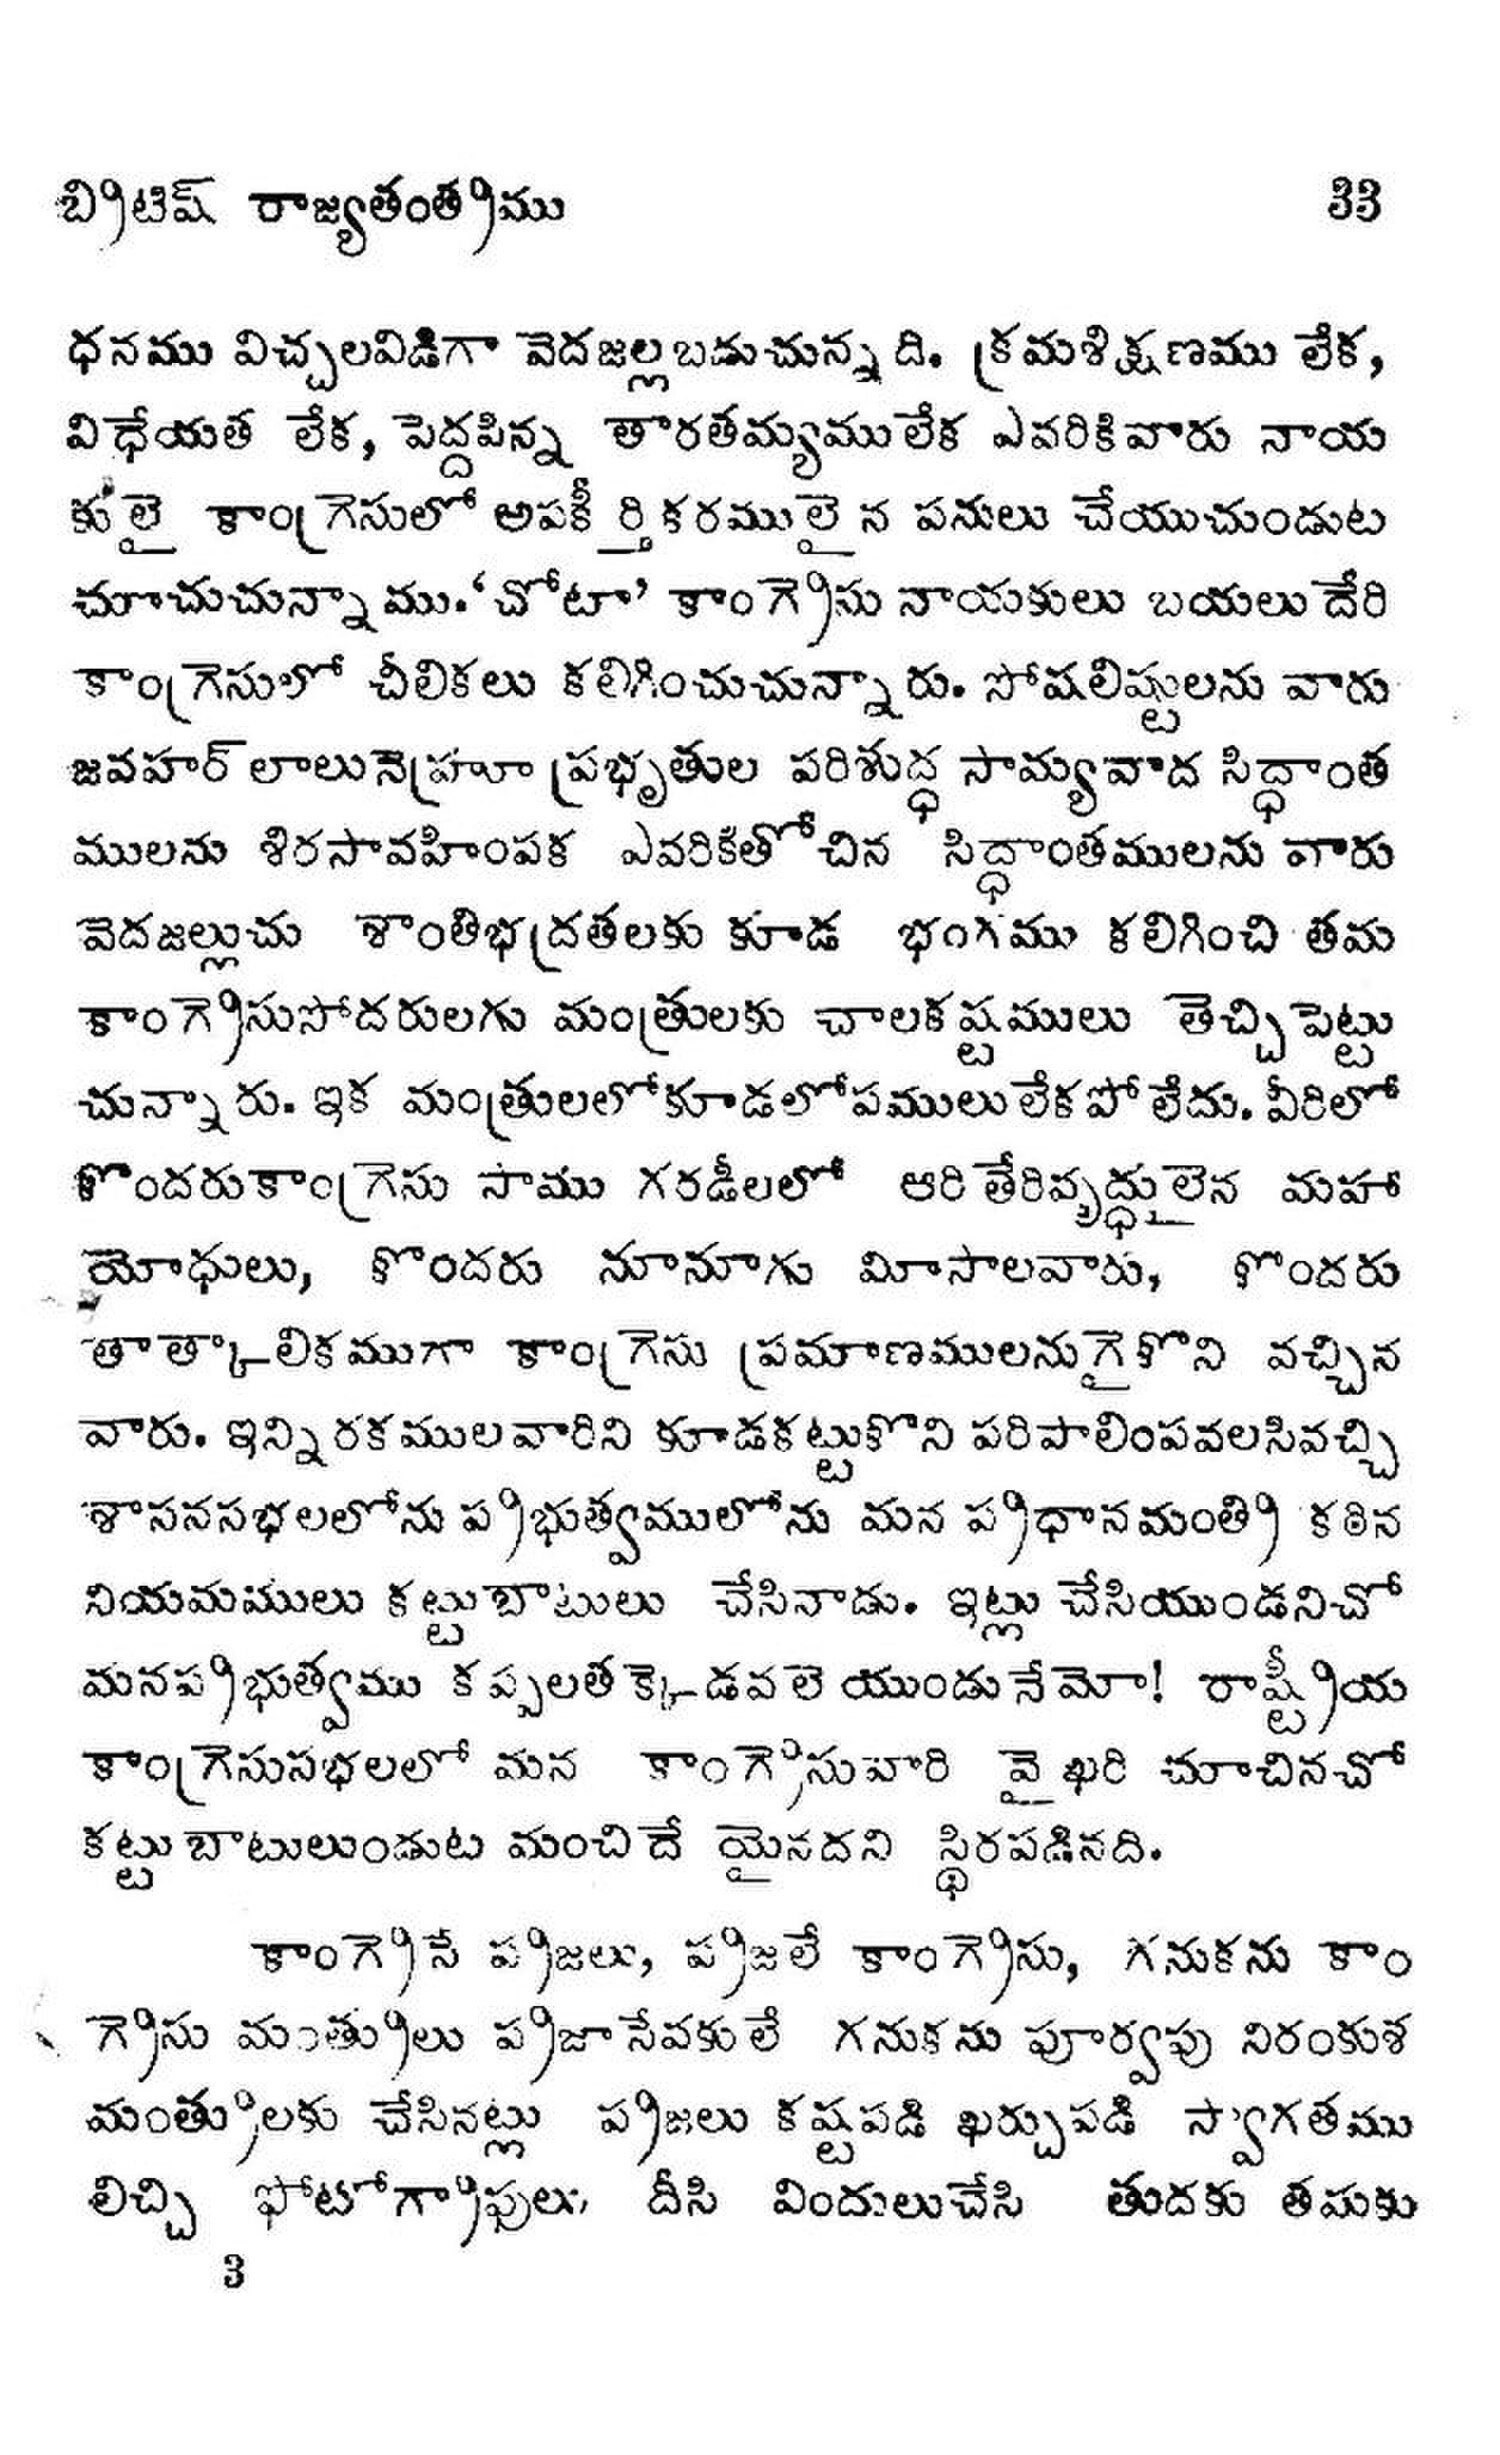ధనము విచ్చలవిడిగా వెదజల్లబడుచున్నది. క్రమశిక్షణము లేక, విధేయత లేక, పెద్దపిన్న తారతమ్యము లేక ఎవరికివారు నాయకులై కాంగ్రెసులో అపకీర్తికరములైన పనులు చేయుచుండుట చూచుచున్నాము. 'చోటా' కాంగ్రెసు నాయకులు బయలుదేరి కాంగ్రెసులో చీలికలు కలిగించుచున్నారు. సోషలిష్టులను వారు జవహర్‌లాలునెహ్రూ ప్రభృతుల పరిశుద్ద సామ్యవాద సిద్ధాంతములను శిరసావహింపక ఎవరికితోచిన సిద్ధాంతములను వారు వెదజల్లుచు శాంతిభద్రతలకు కూడ భంగము కలిగించి తమ కాంగ్రెసుసోదరులగు మంత్రులకు చాలకష్టములు తెచ్చిపెట్టు చున్నారు. ఇక మంత్రులలోకూడలోపములులేకపోలేదు. వీరిలో కొందరుకాంగ్రెస్ సాము గరడీలలో ఆరితేరివృద్దులైన మహా యోధులు, కొందరు నూనూగు మీసాలవారు, కొందరు తాత్కాలికముగా కాంగ్రెసు ప్రమాణములనుగైకొని వచ్చినవారు. ఇన్నిరకములవారిని కూడగట్టుకొని పరిపాలింపవలసివచ్చి శాసనసభలలోను ప్రభుత్వములోను మన ప్రధానమంత్రి కఠిన నియమములు కట్టుబాటులు చేసినాడు. ఇట్లు చేసియుండనిచో మనప్రభుత్వము కప్పలతక్కెడవలె యుండునేమో! రాష్ట్రీయ కాంగ్రెసుసభలలో మన కాంగ్రెసువారి వైఖరి చూచినచో కట్టుబాటులుండుట మంచిదే యైనదని స్థిరపడినది.

కాంగ్రెసే ప్రజలు, ప్రజలే కాంగ్రెసు, గనుకను కాంగ్రెసు మంత్రులు ప్రజాసేవకులే గనుకను పూర్వపు నిరంకుశ మంత్రులకు చేసినట్లు ప్రజలు కష్టపడి ఖర్చుపడి స్వాగతము లిచ్చి ఫోటోగ్రాపులు, దీసి విందులుచేసి తుదకు తమకు